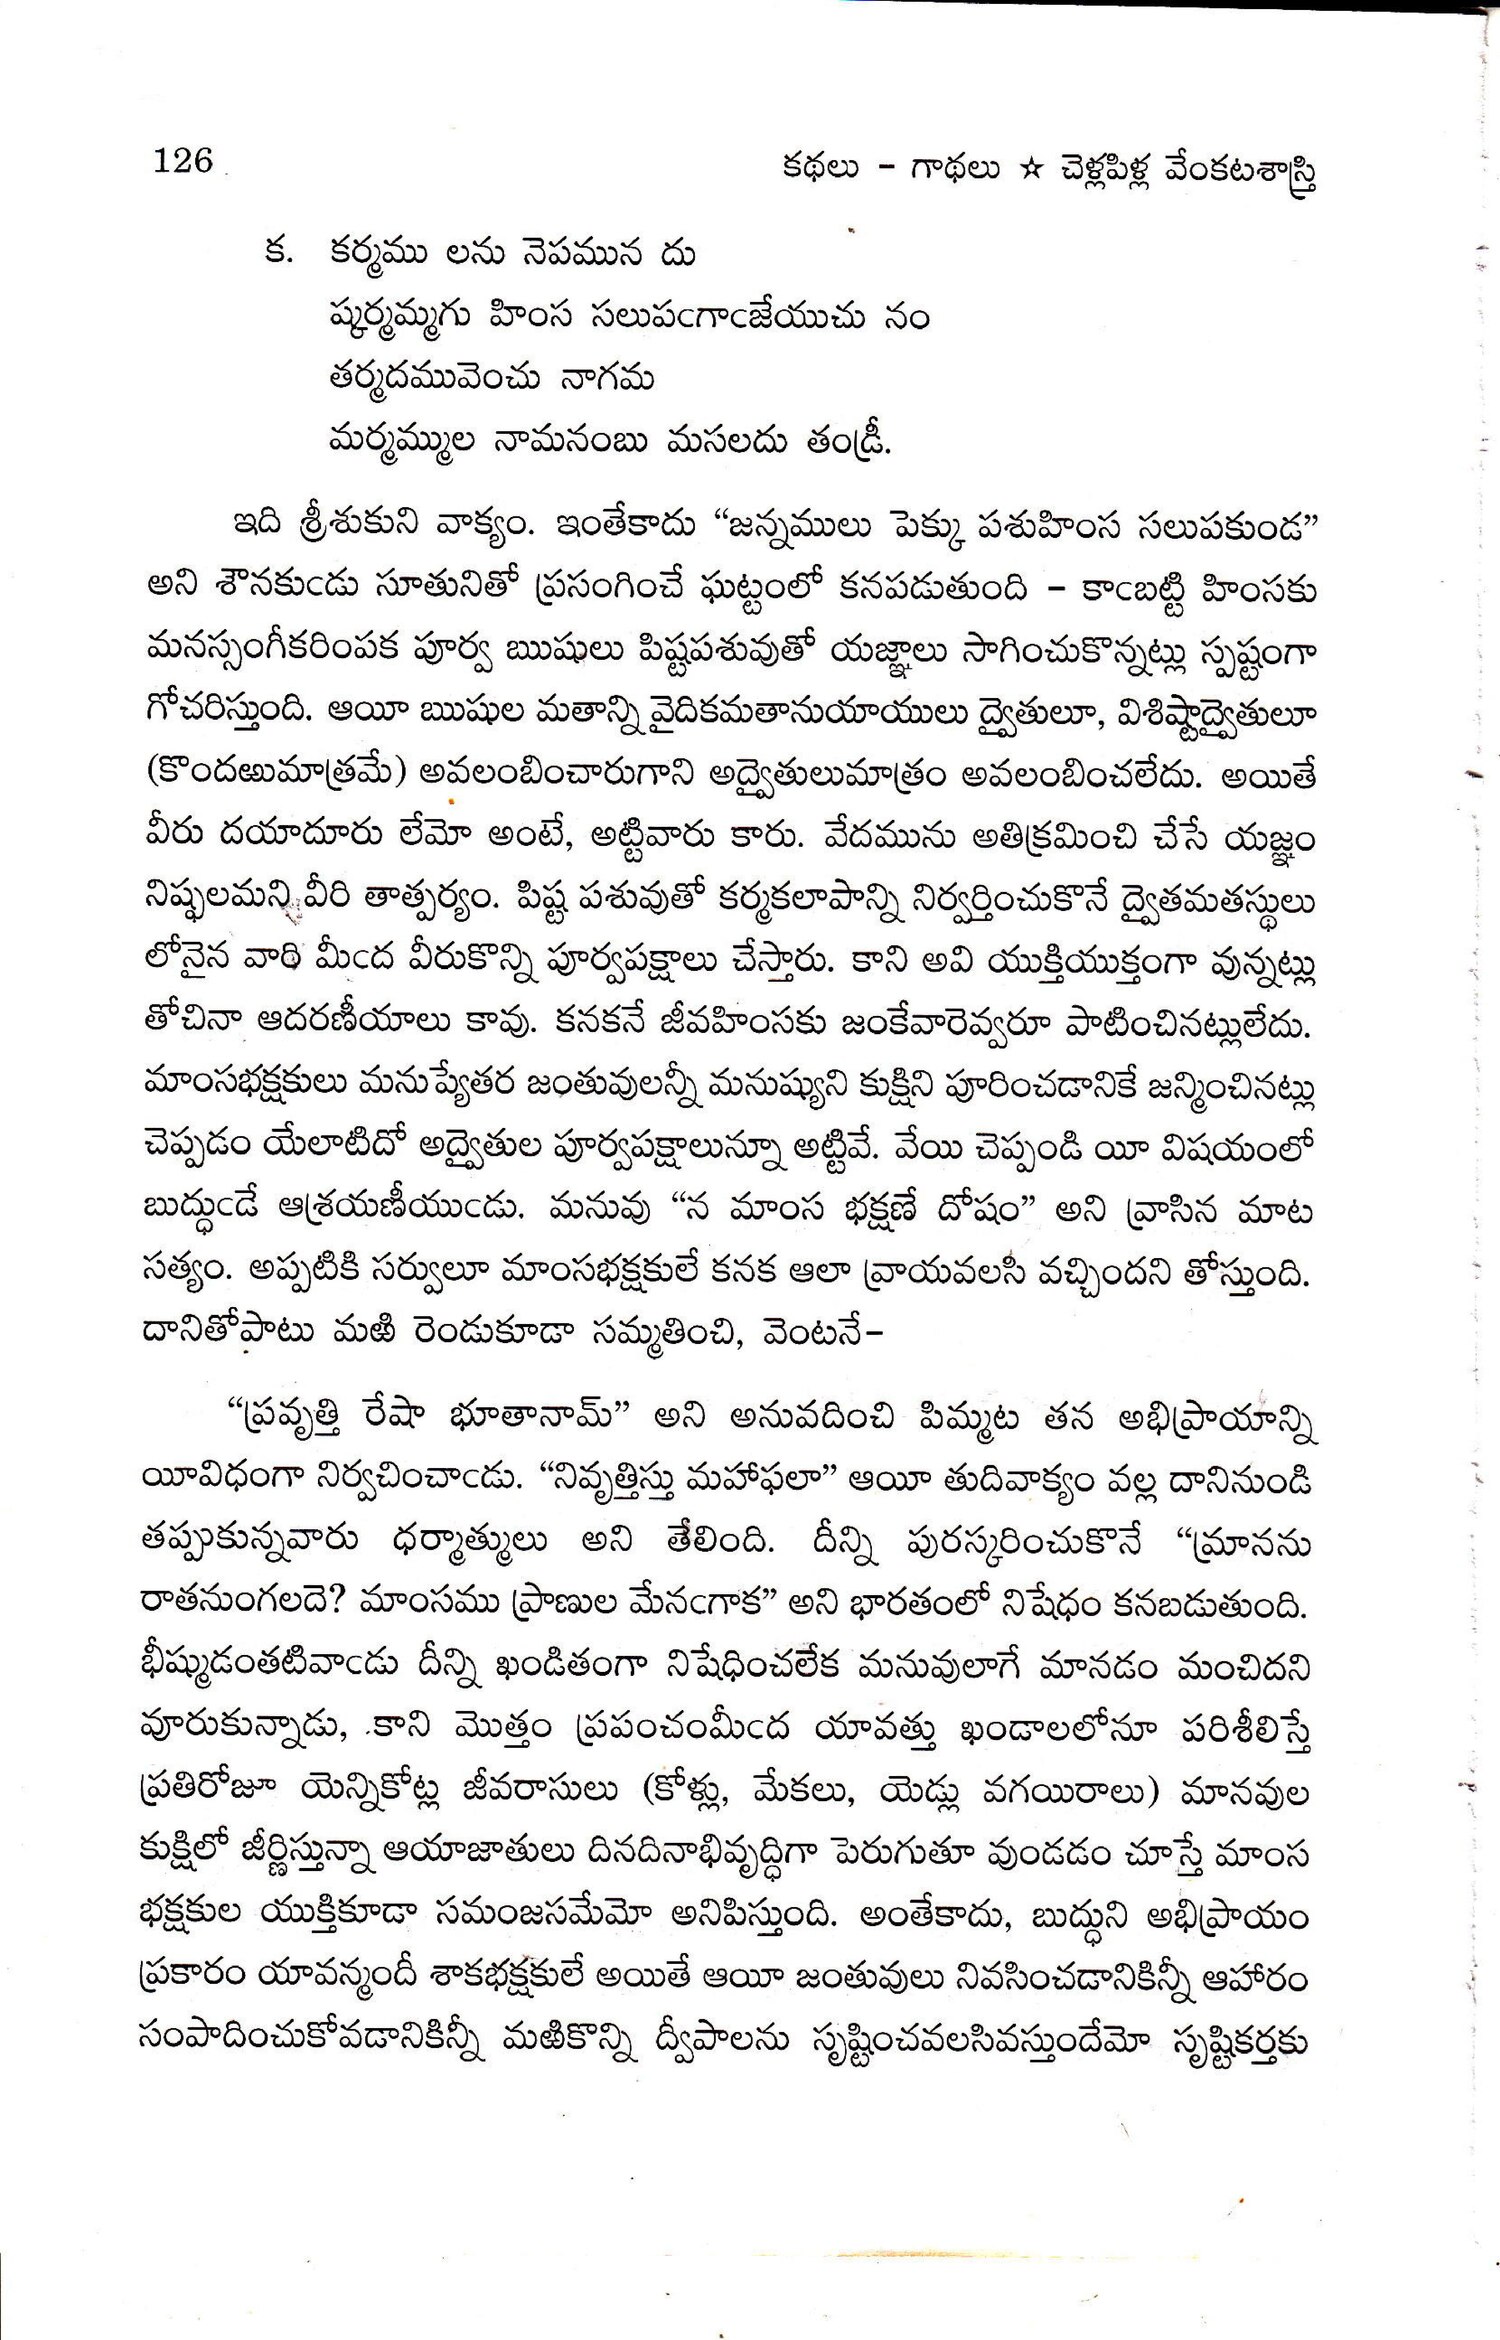క. కర్మము లను నెపమున దు
 ష్కర్మమ్మగు హింస సలుపంగాఁజేయుచు నం 
 తర్మదమువెంచు నాగమ 
 మర్మమ్ముల నామనంబు మసలదు తండ్రీ.

ఇది శ్రీశుకుని వాక్యం. ఇంతేకాదు “జన్నములు పెక్కు పశుహింస సలుపకుండ" అని శౌనకుఁడు సూతునితో ప్రసంగించే ఘట్టంలో కనపడుతుంది - కాఁబట్టి హింసకు మనస్సంగీకరింపక పూర్వ ఋషులు పిష్టపశువుతో యజ్ఞాలు సాగించుకొన్నట్లు స్పష్టంగా గోచరిస్తుంది. ఆయీ ఋషుల మతాన్ని వైదికమతానుయాయులు ద్వైతులూ, విశిష్టాద్వైతులూ (కొందఱుమాత్రమే) అవలంబించారుగాని అద్వైతులుమాత్రం అవలంబించలేదు. అయితే వీరు దయాదూరు లేమో అంటే, అట్టివారు కారు. వేదమును అతిక్రమించి చేసే యజ్ఞం నిష్ఫలమని వీరి తాత్పర్యం. పిష్ట పశువుతో కర్మకలాపాన్ని నిర్వర్తించుకొనే ద్వైతమతస్టులులోనైన వారి మీఁద వీరుకొన్ని పూర్వపక్షాలు చేస్తారు. కాని అవి యుక్తియుక్తంగా వున్నట్లు తోచినా ఆదరణీయాలు కావు. కనకనే జీవహింసకు జంకేవారెవ్వరూ పాటించినట్లులేదు. మాంసభక్షకులు మనుప్యేతర జంతువులన్నీ మనుష్యుని కుక్షిని పూరించడానికే జన్మించినట్లు చెప్పడం యేలాటిదో అద్వైతుల పూర్వపక్షాలున్నూ అట్టివే. వేయి చెప్పండి యీ విషయంలో బుద్దుఁడే ఆశ్రయణీయుఁడు. మనువు “న మాంస భక్షణే దోషం" అని వ్రాసిన మాట సత్యం. అప్పటికి సర్వులూ మాంసభక్షకులే కనక ఆలా వ్రాయవలసి వచ్చిందని తోస్తుంది. దానితోపాటు మఱి రెండుకూడా సమ్మతించి, వెంటనే-

"ప్రవృత్తి రేషా భూతానామ్" అని అనువదించి పిమ్మట తన అభిప్రాయాన్ని యీవిధంగా నిర్వచించాఁడు. “నివృత్తిస్తు మహాఫలా” ఆయీ తుదివాక్యం వల్ల దానినుండి తప్పుకున్నవారు ధర్మాత్ములు అని తేలింది. దీన్ని పురస్కరించుకొనే “మ్రానను రాతనుంగలదె? మాంసము ప్రాణుల మేనఁగాక" అని భారతంలో నిషేధం కనబడుతుంది. భీష్మడంతటివాఁడు దీన్ని ఖండితంగా నిషేధించలేక మనువులాగే మానడం మంచిదని వూరుకున్నాడు. కాని మొత్తం ప్రపంచంమీంద యావత్తు ఖండాలలోనూ పరిశీలిస్తే ప్రతిరోజూ యెన్నికోట్ల జీవరాసులు (కోళ్లు, మేకలు, యెడ్లు వగయిరాలు) మానవుల కుక్షిలో జీర్ణిస్తున్నా ఆయాజాతులు దినదినాభివృద్ధిగా పెరుగుతూ వుండడం చూస్తే మాంస భక్షకుల యుక్తికూడా సమంజసమేమో అనిపిస్తుంది. అంతేకాదు, బుద్దుని అభిప్రాయం ప్రకారం యావన్మందీ శాకభక్షకులే అయితే ఆయీ జంతువులు నివసించడానికిన్నీ ఆహారం సంపాదించుకోవడానికిన్నీ మఱికొన్ని ద్వీపాలను సృష్టించవలసివస్తుందేమో సృష్టికర్తకు